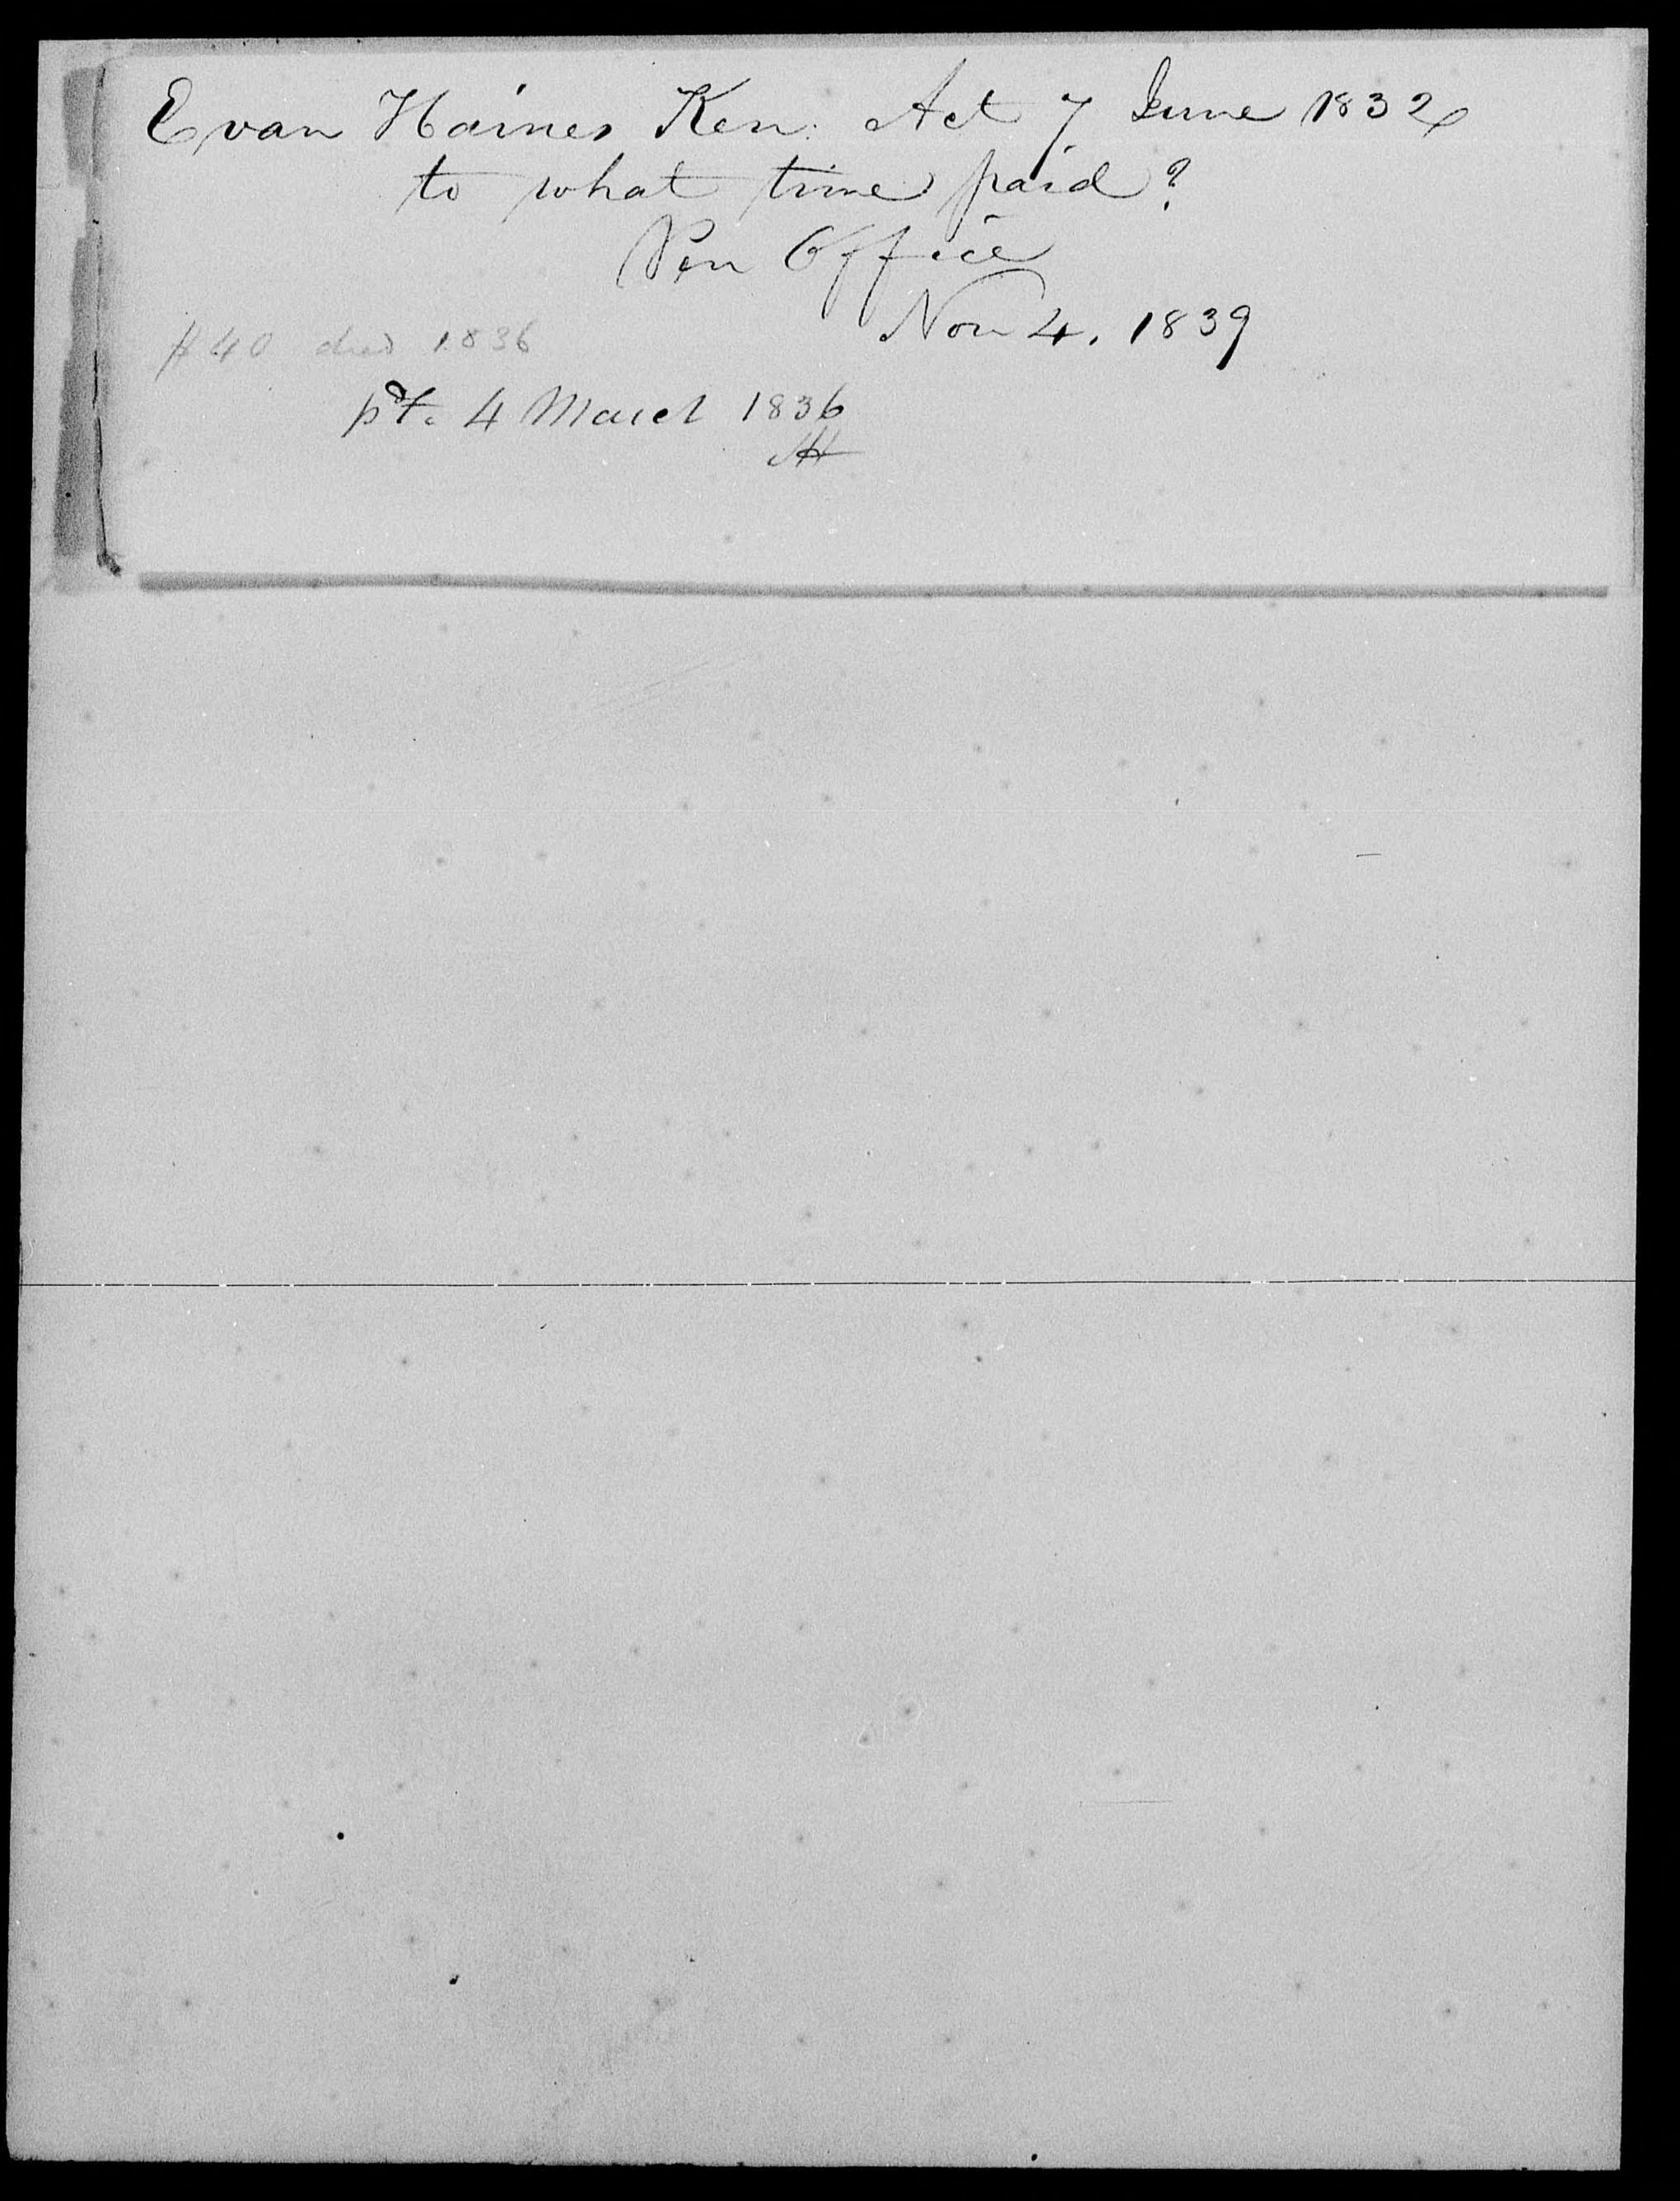Evan Haines, Ken: Act of June 1832
to what time paid?
Pen Office
Nov 4, 1839

$40 died 1836

p ofc 4 March 1836

JH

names: Evan Haines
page: 21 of 34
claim: widow's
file: W. 8897, Evan Haines, Ga